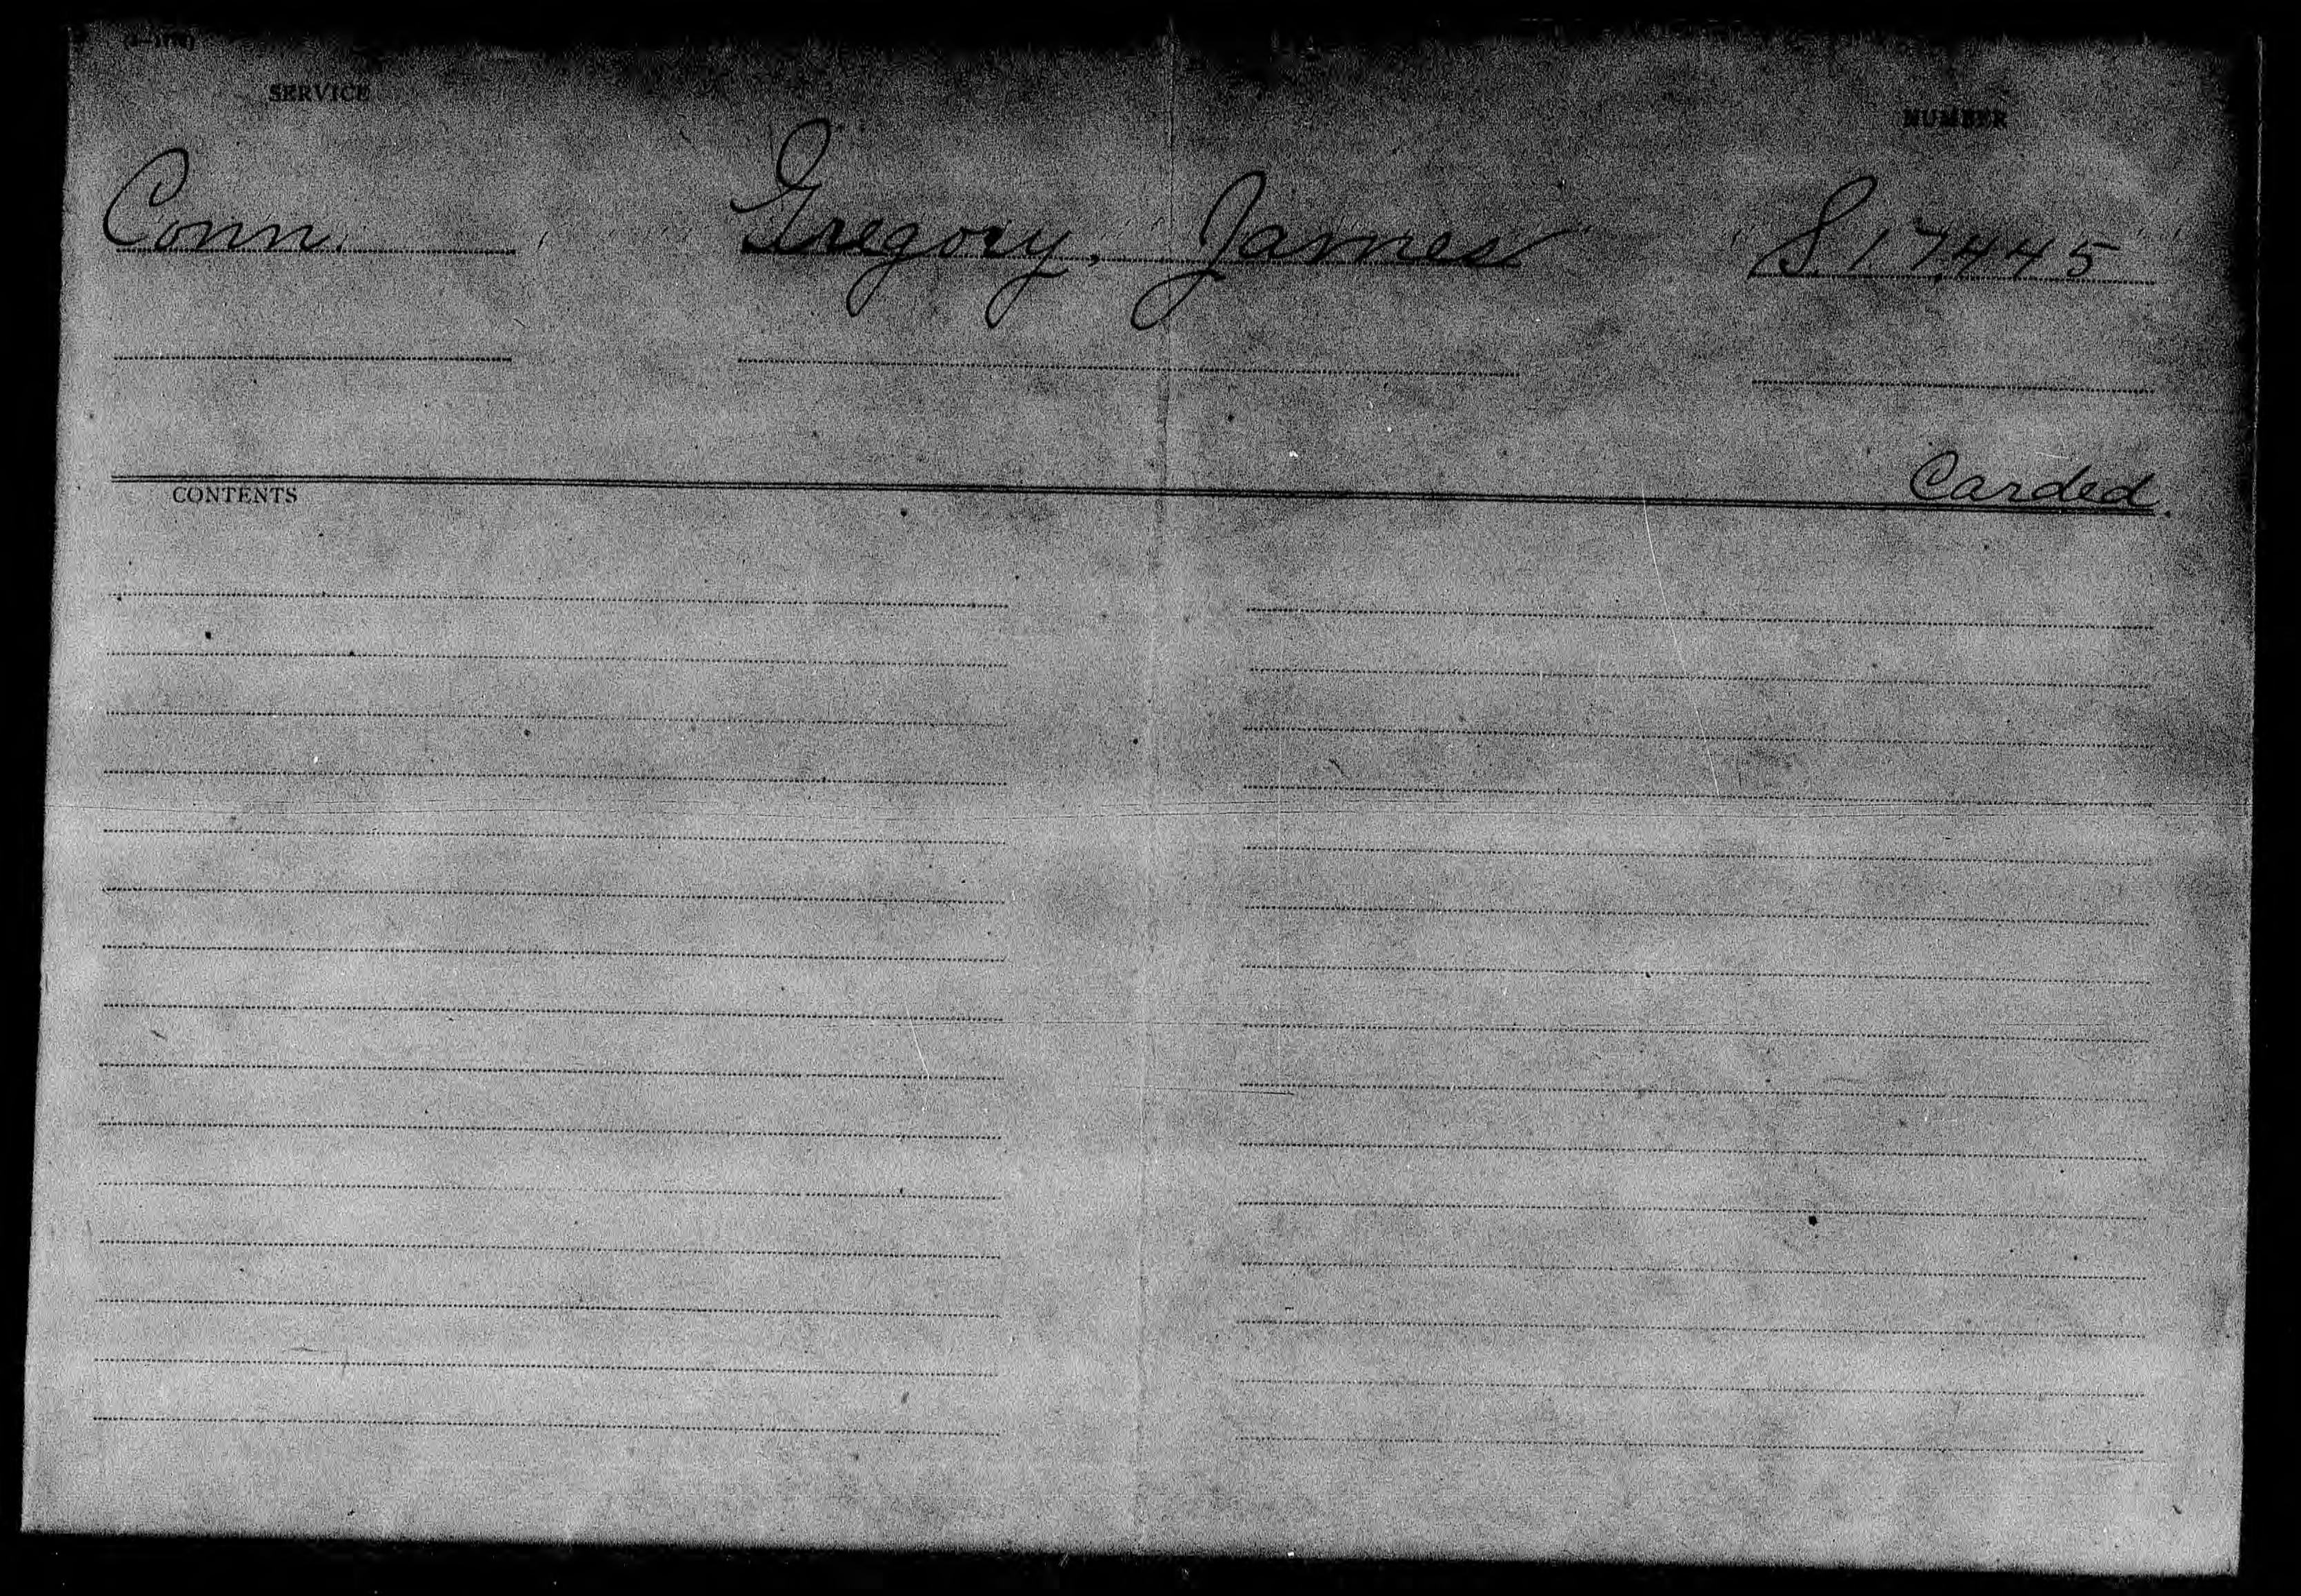Service
Conn
Gregory, James
Number
S174465

carded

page: 1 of 27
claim: survivor's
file: S. 17445, James Gregory, Conn.